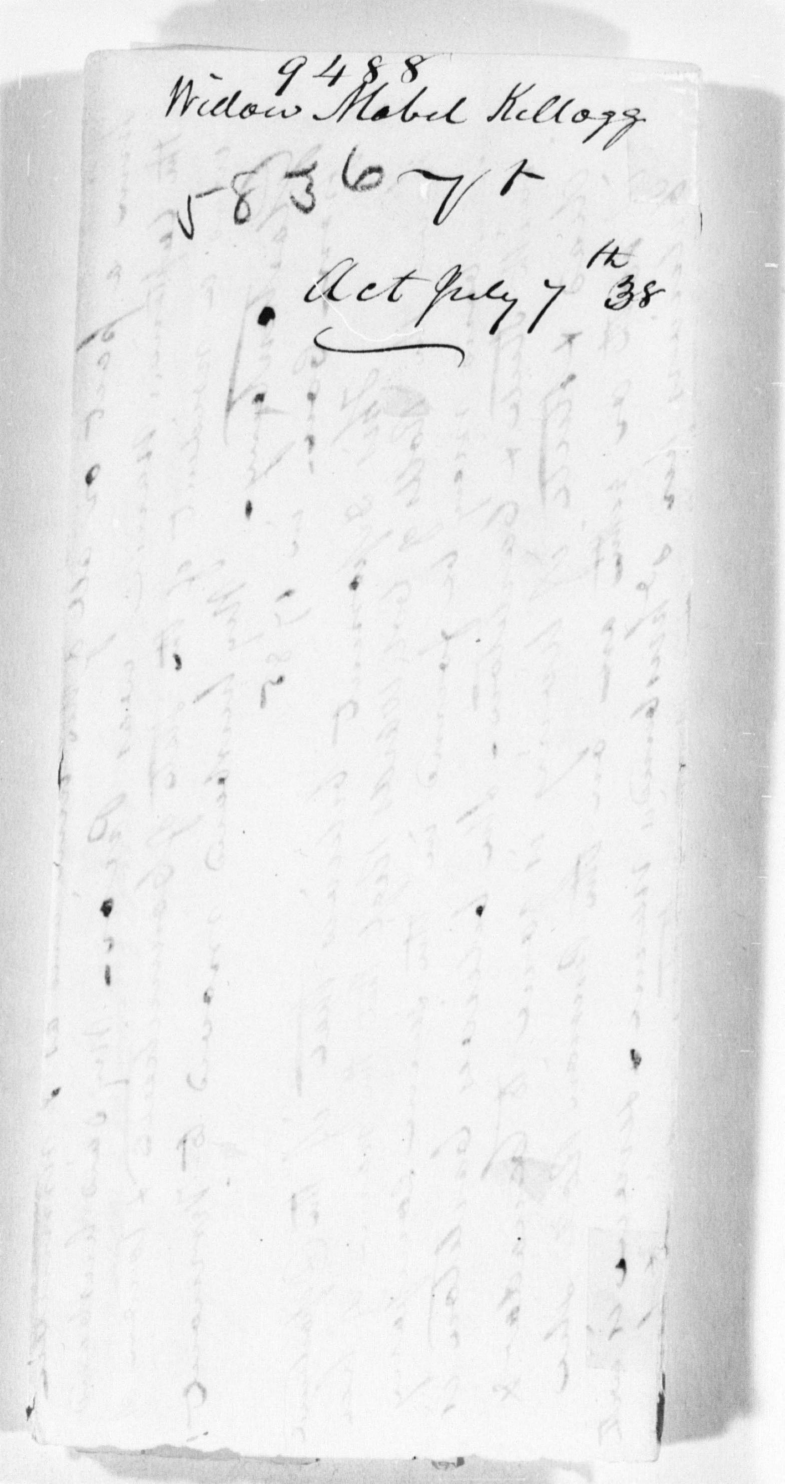9488
Widow Mabel Kellogg
58367
Act July 7th 38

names: Mabel Kellogg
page: 5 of 19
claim: rejected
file: R. 5836, Elijah Andrews, Conn.